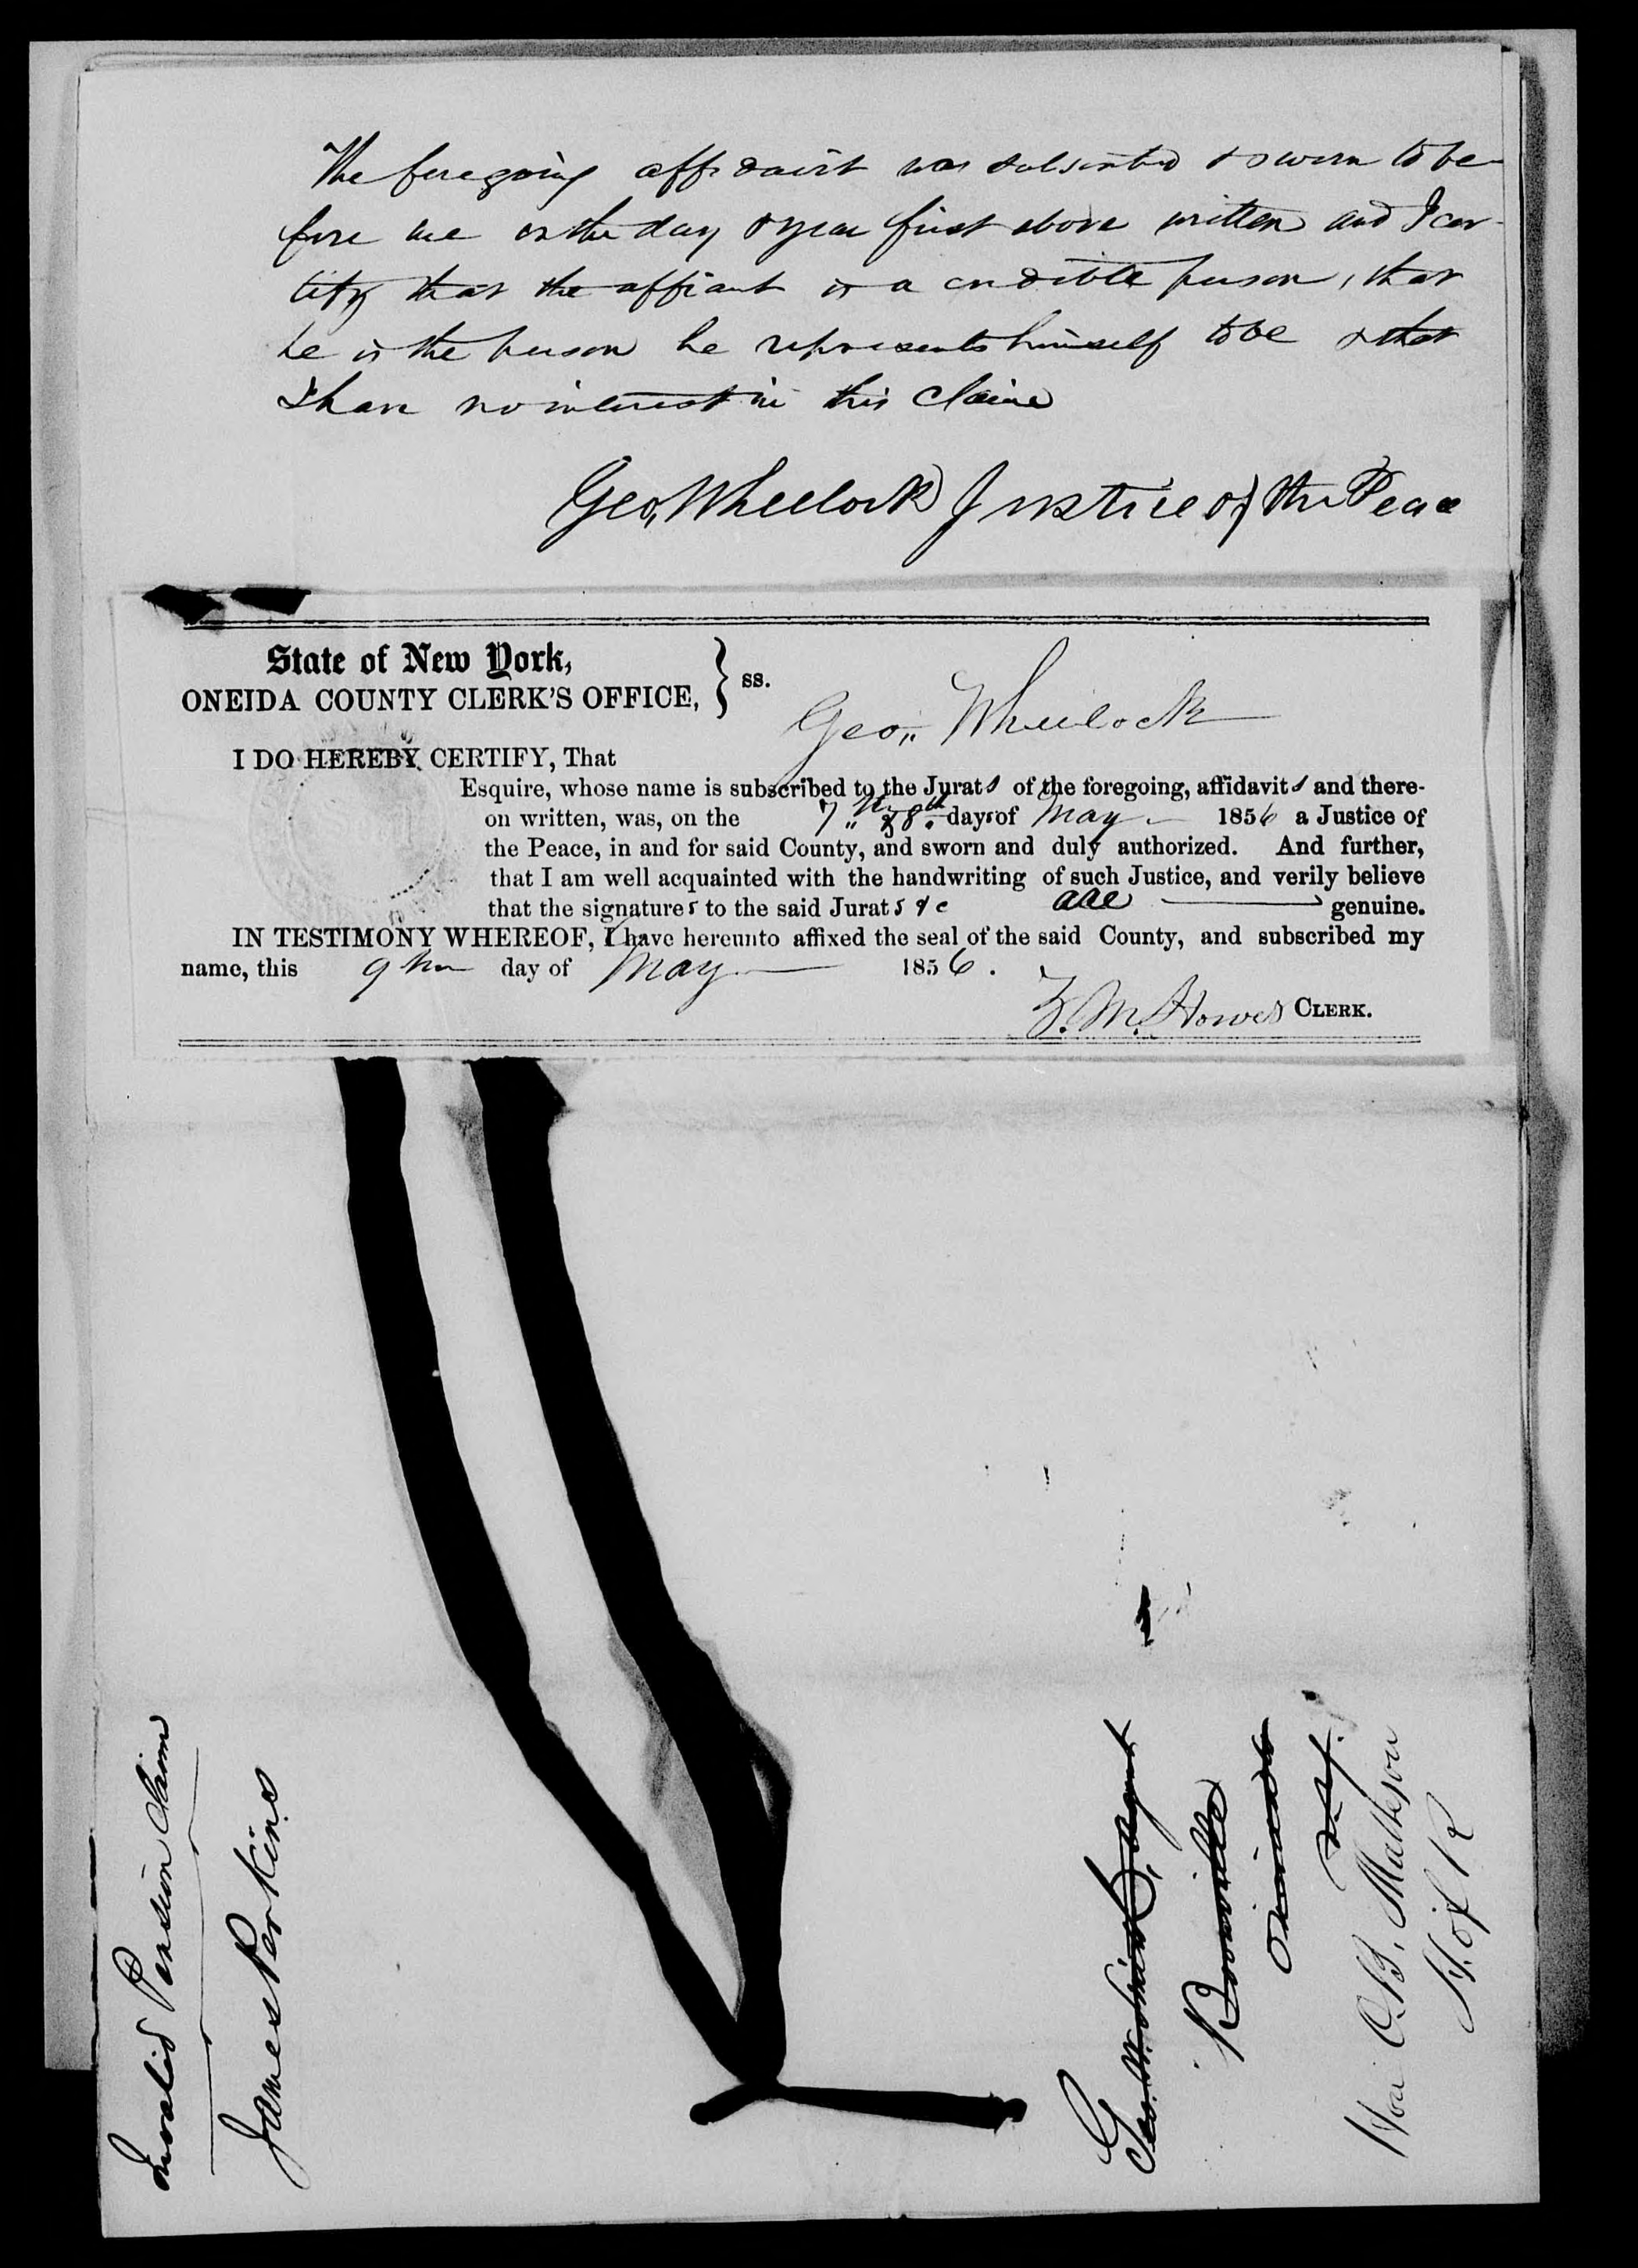The foregoing affidavit was subscribed & sworn to before me on the day & year first above written and I certify that the affiant is a credible person, that he is the person he represents himself to be & that I have no interest in this claim 
[SIGNED] Geo. Wheelock Justice of the Peace 

State of New York, 
ONEIDA COUNTY CLERK'S OFFICE, } ss. 
I DO HEREBY CERTIFY, That Geo. Wheelock Esquire, whose name is subscribed to the Jurats of the foregoing affidavits and thereon written, was, on the 7th & 8th days of May 1856 a Justice of the Peace, in and for said County, and sworn and duly authorized. And further, that I am well acquainted with the handwriting of such Justice, and verily believe that the signature to the said Jurats &c are genuine. 
IN TESTIMONY WHEREOF, I have hereunto affixed the seal of the said County, and subscribed my name, this 9th day of May 1856.
[signed] Z. M. Howes CLERK. 

Invalid Pension Claim
James Perkins 
Hon O. B. Matteson
H. of R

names: Geo W Smith; Z M Howes; O B Matteson; James Perkins; Geo Wheelock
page: 15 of 44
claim: rejected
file: R. 17,033, for Joseph Perkins, New York